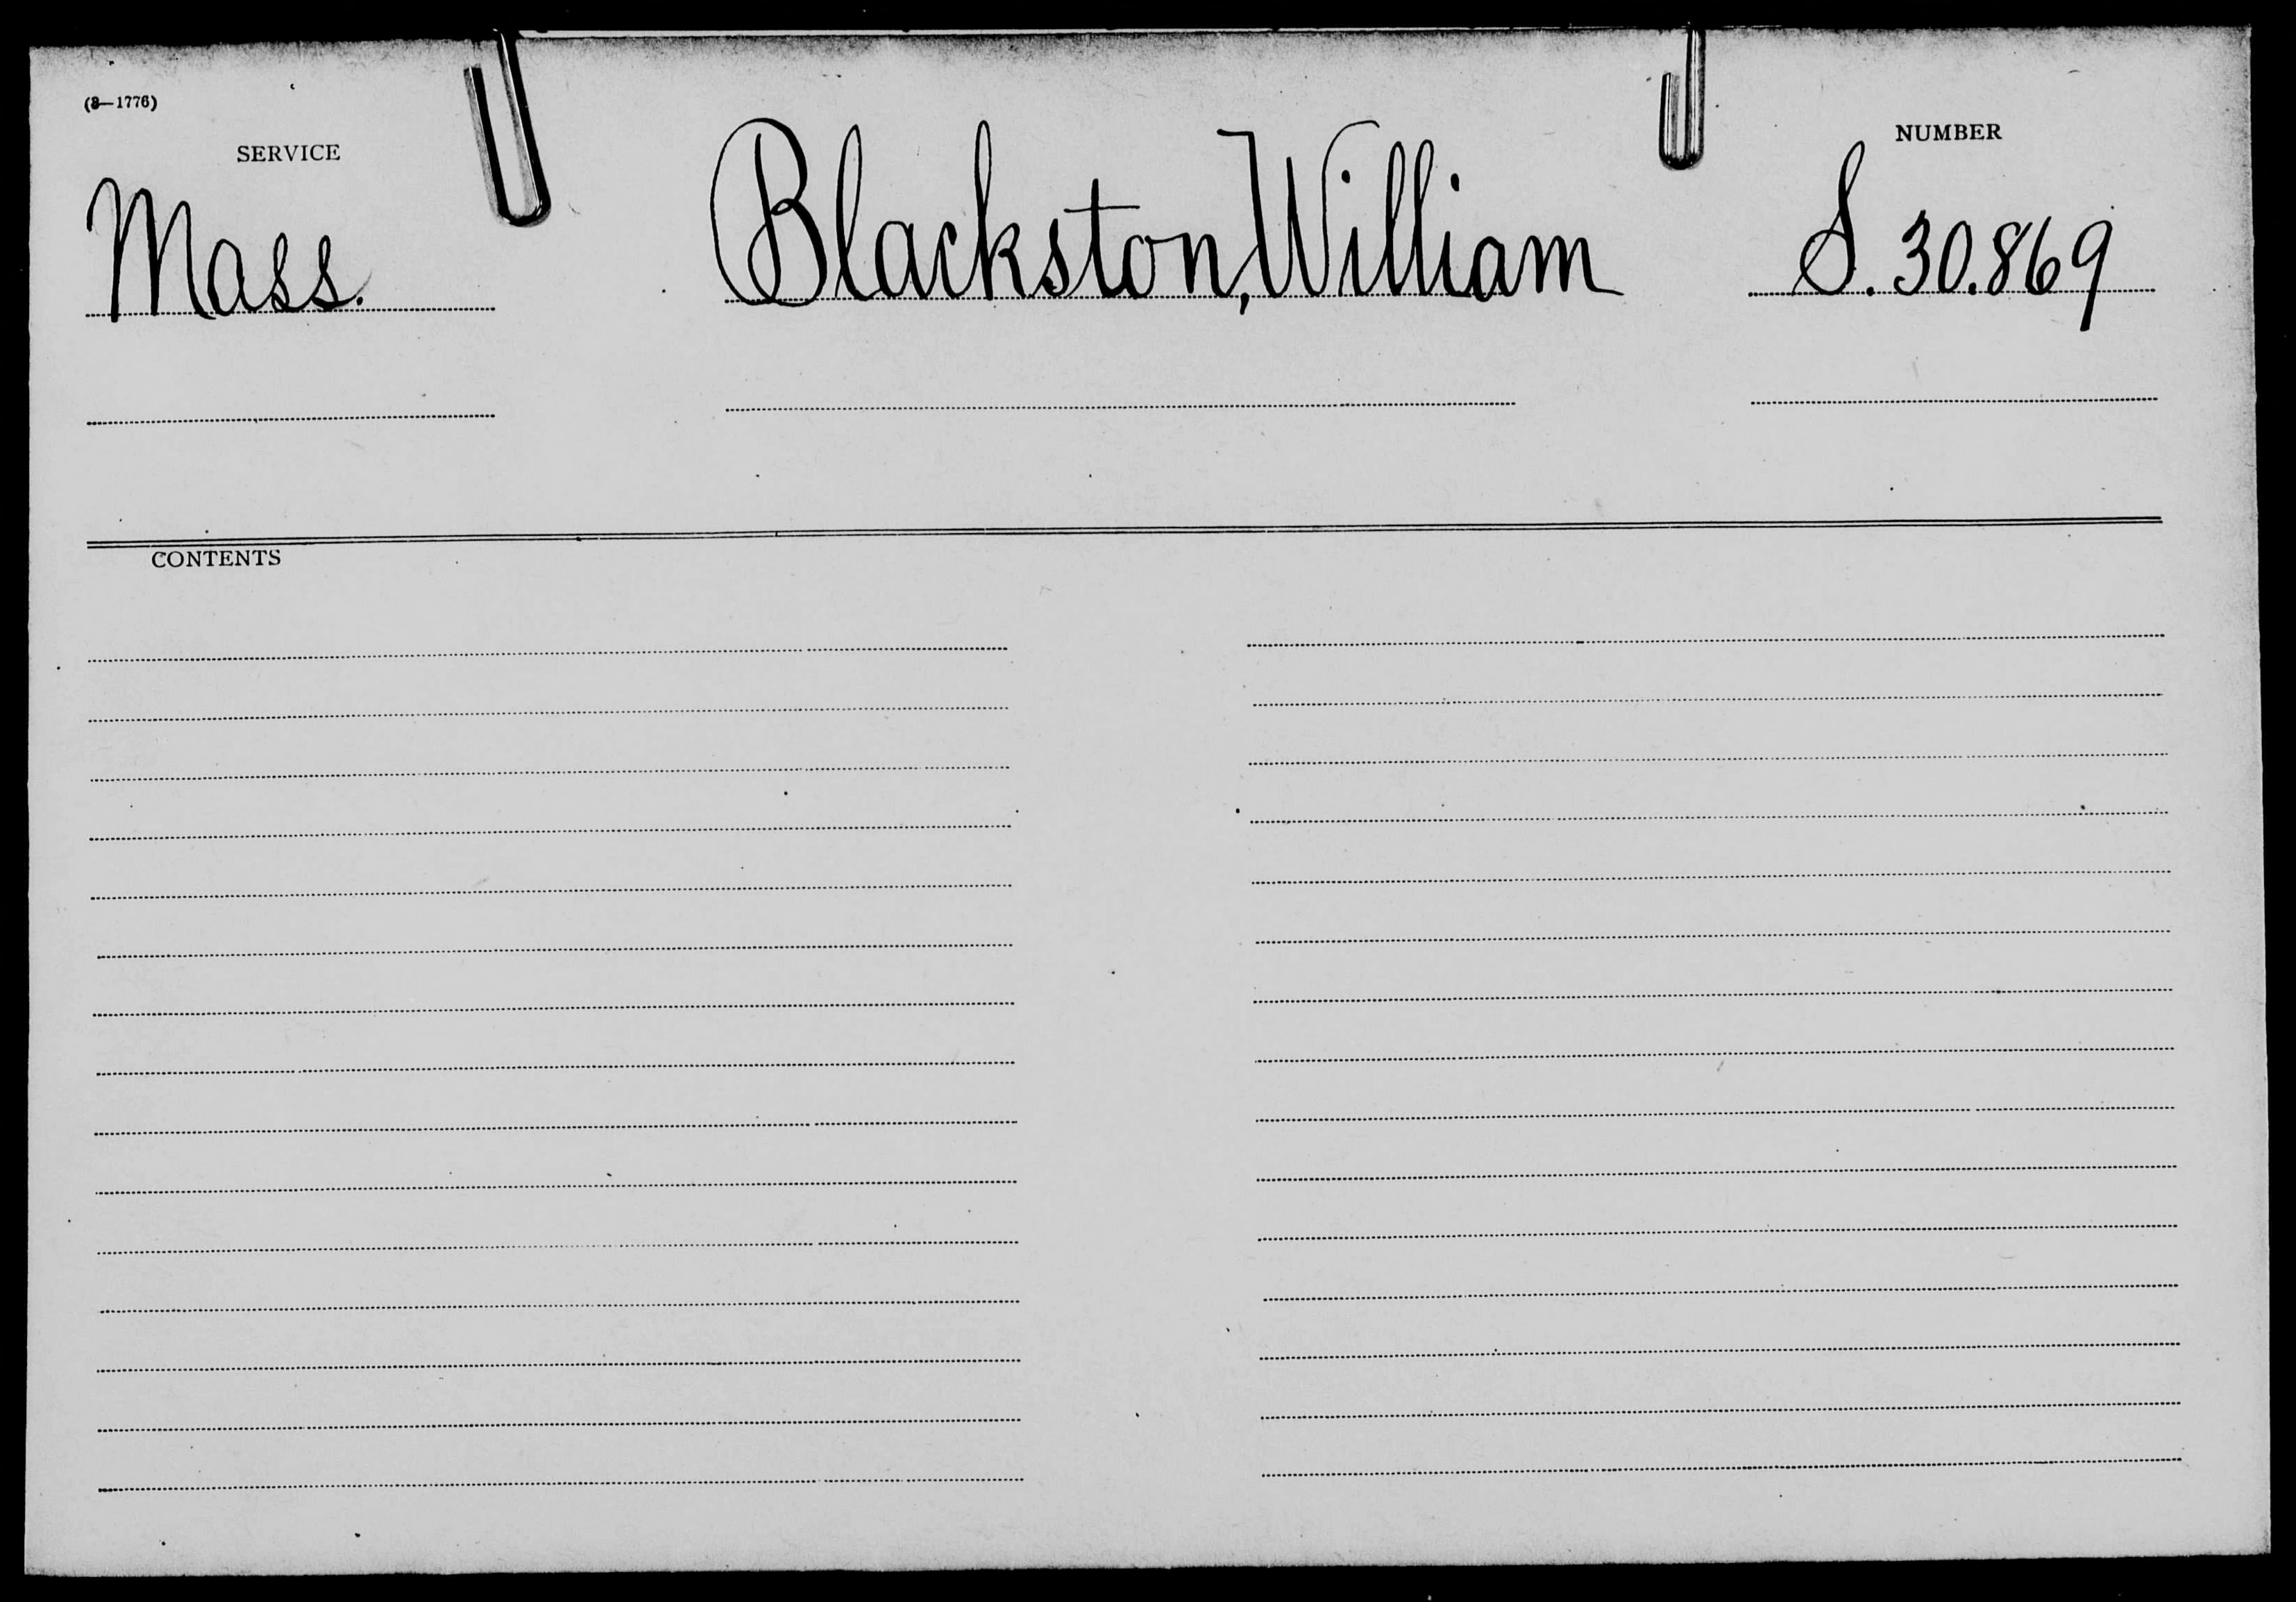(8--1776)
SERVICE                                         NUMBER
Mass.    Blackston, William       S.30.869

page: 1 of 14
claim: survivor's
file: S. 30,869, William Blackston, Mass.